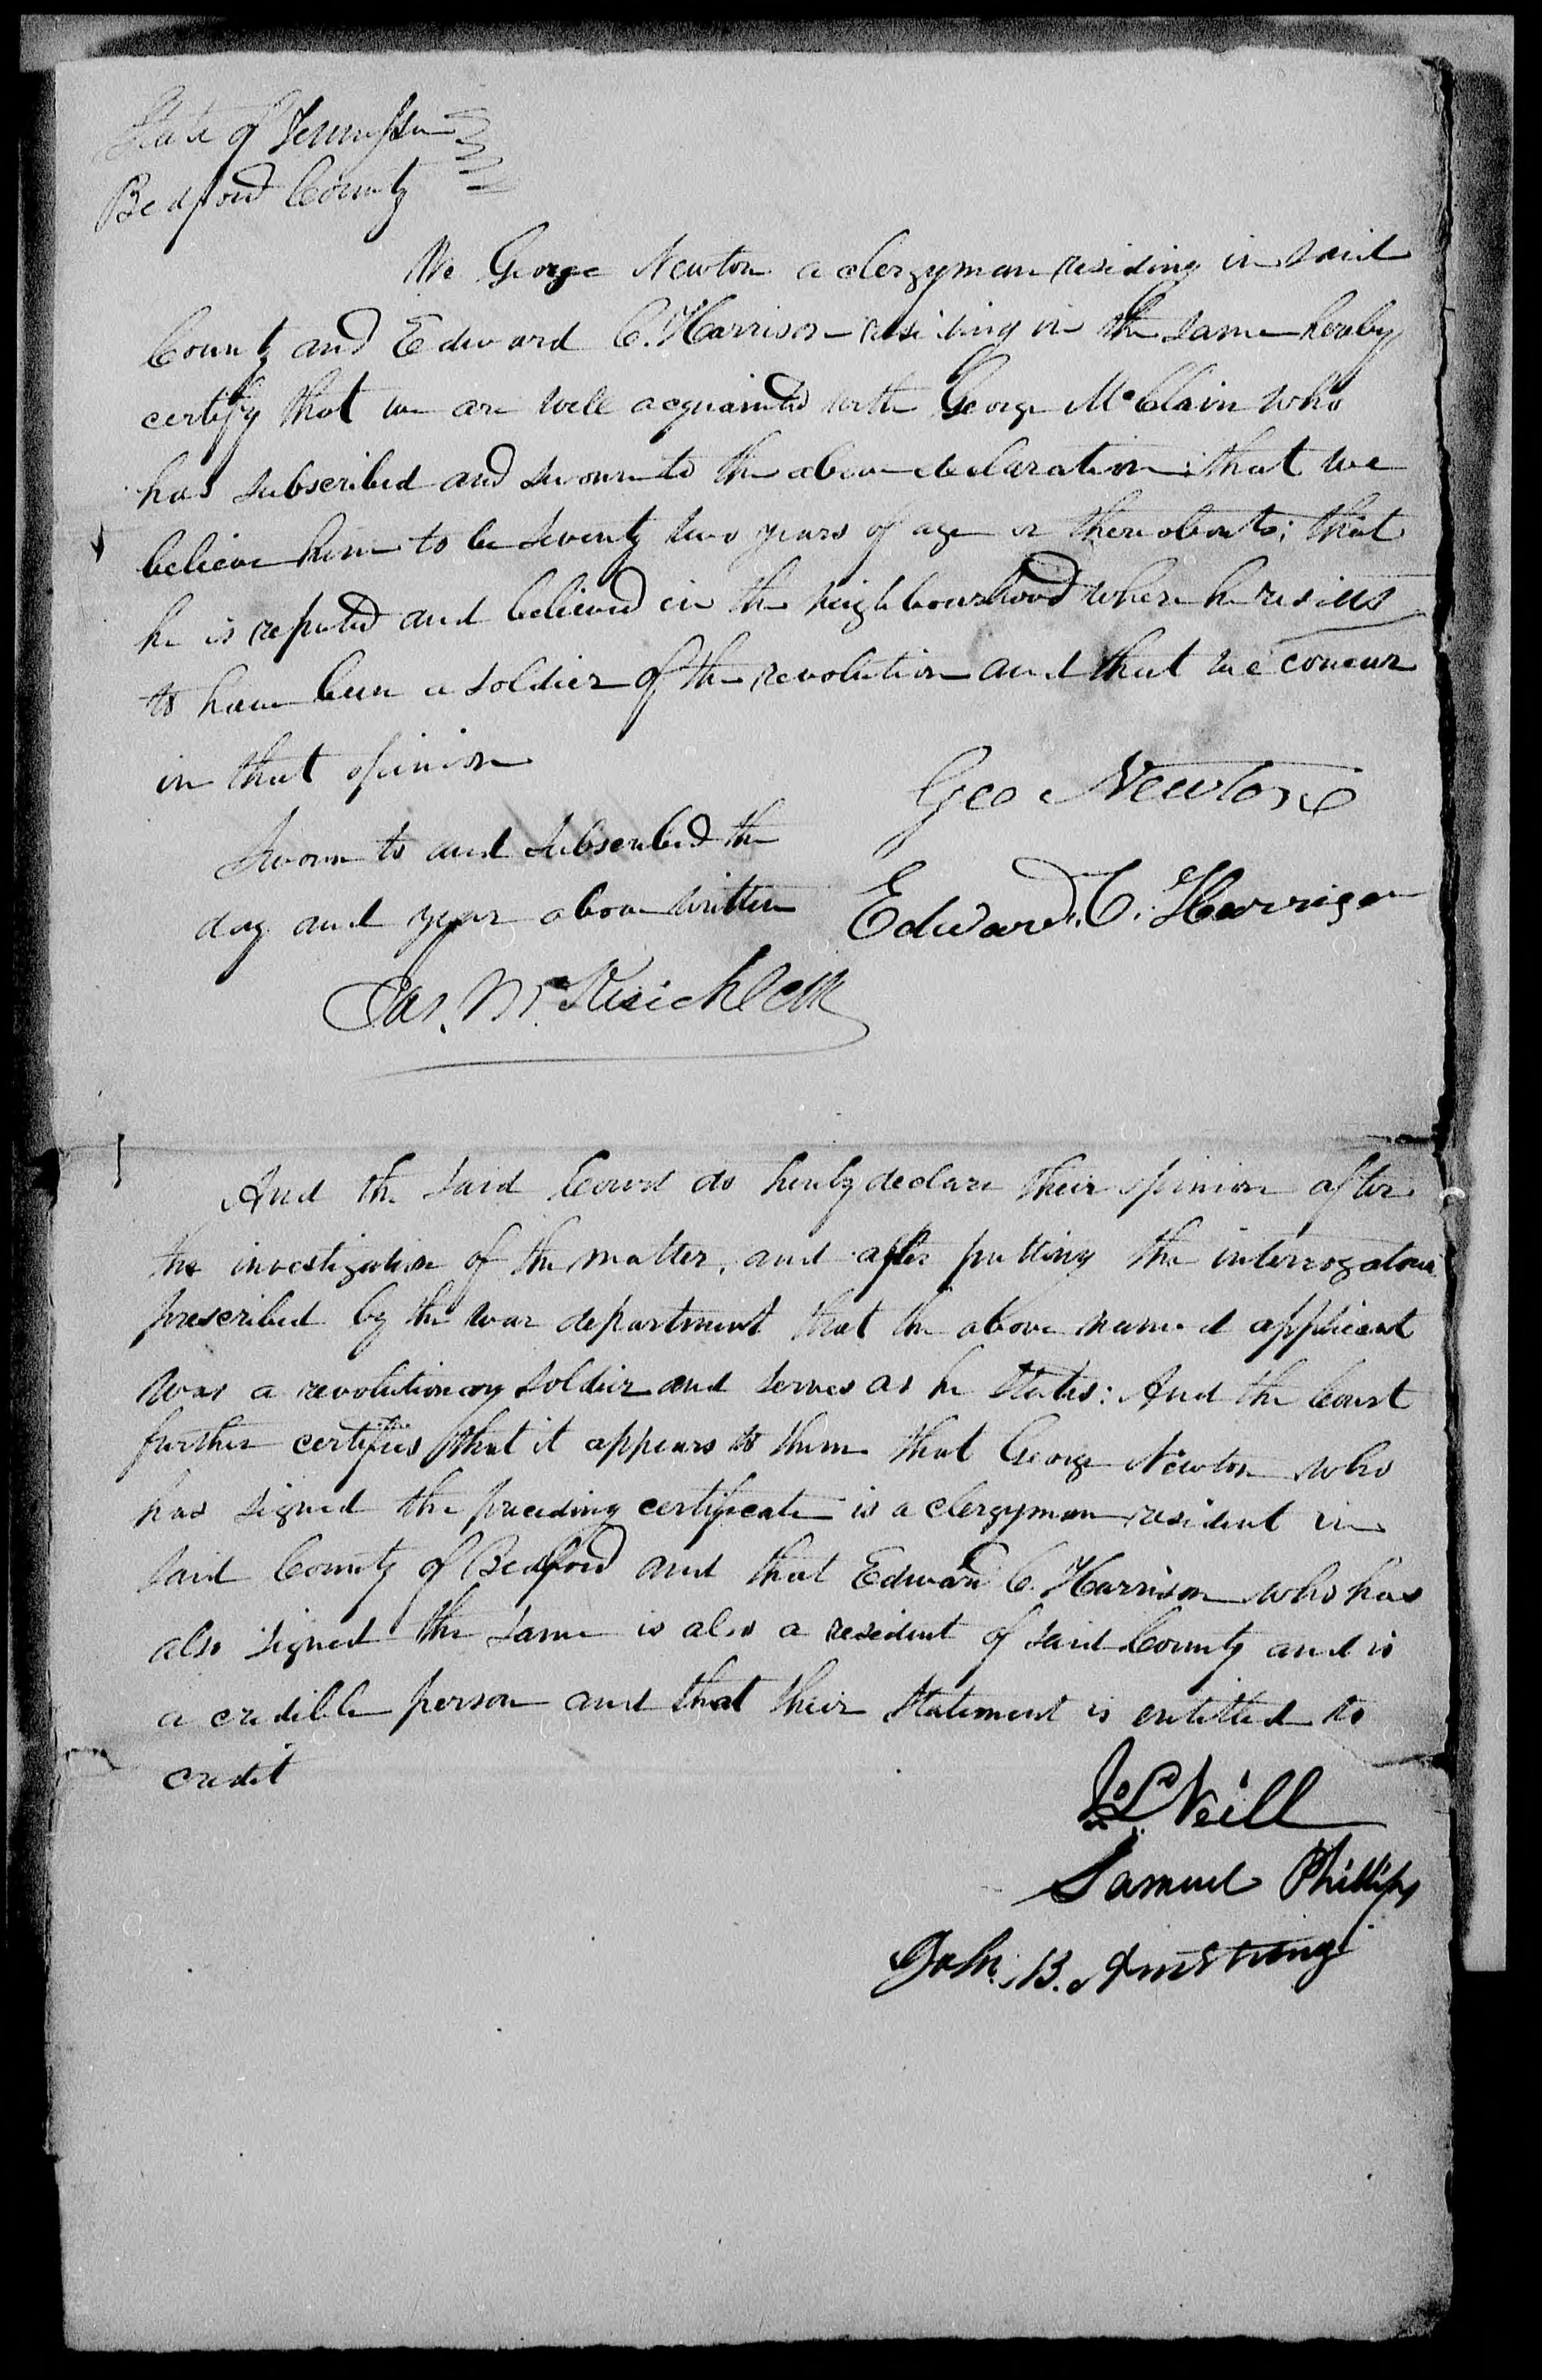State of Tennessee} 
Bedford County} 
We George Newton a clergyman residing in said County and Edward C. Harrison - residing in the same - hereby certify that we are well acquainted with George McClain who has subscribed and sworn to the above declaration that we believe him to be seventy two years of age or thereabouts; that he is reputed and believed in the neighbourhood where he resides to have been a soldier of the revolution and that we concur in that opinion.
[signed] Geo Newton
Sworn to and subscribed the day and year above written 
Edward C. Harrison 
Jas. McKisick Clk.

And the said Court do hereby declare their opinion after the investigation of the matter, and after putting the interrogators prescribed by the war department that the above named applicant was a revolutionary soldier and served as he states. And the Court further certifies that it appears to them that George Newton who has signed the preceding certificate is a clergyman resident in said County of Bedford and that Edward C. Harrison who has also signed the same is also a resident of said County and is a credible person and that their statement is entitled to Credit 
Jo L Neill 
Samuel Phillips 
John B. Armstrong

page: 16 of 67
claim: widow's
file: W. 21793, for George Mc Lain, North Carolina